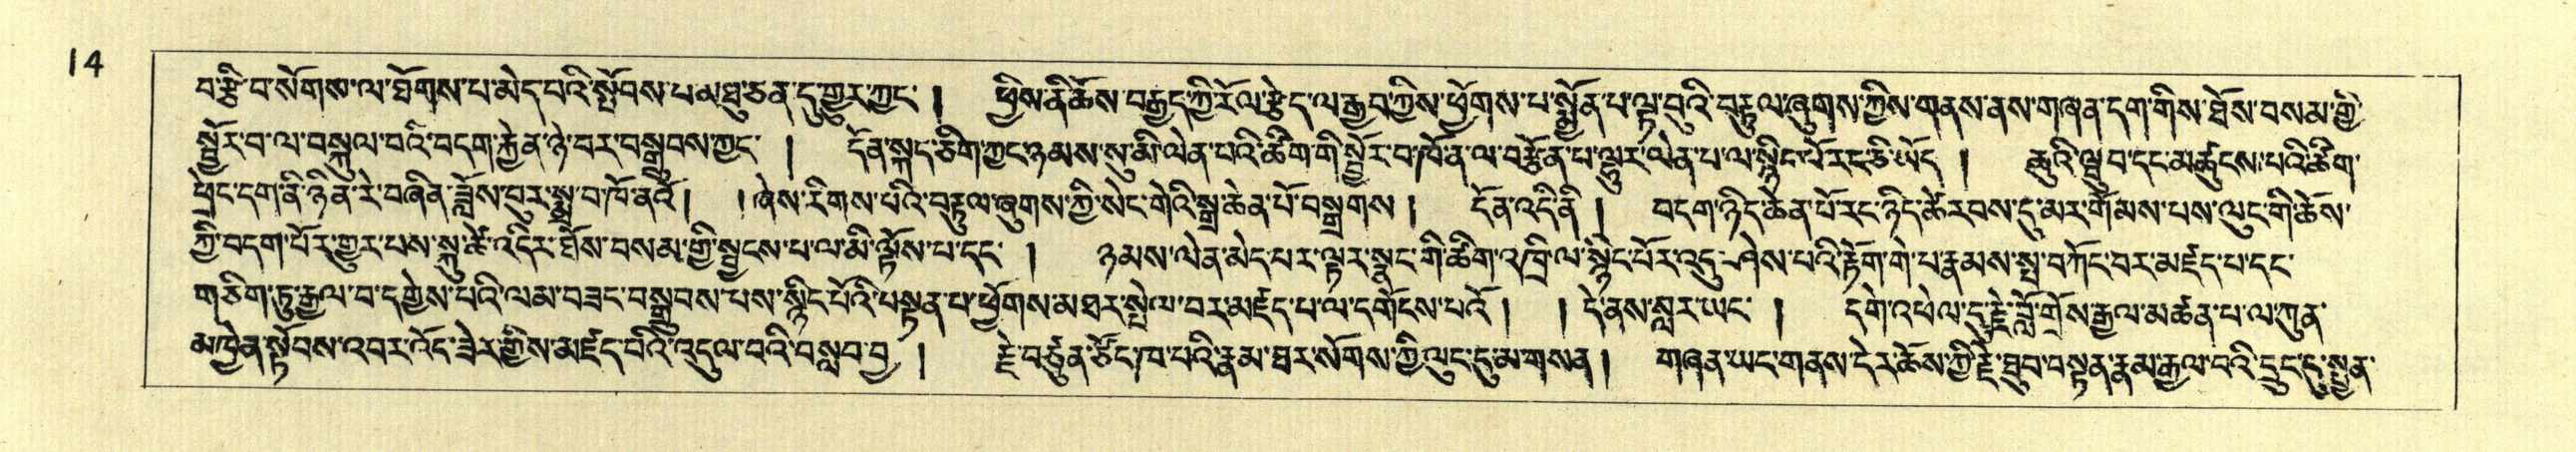བ་རྩི་བ་སོགས་ལ་ཐོགས་པ་མེད་པའི་སྤོབས་པ་མཐུ་ཅན་དུ་གྱུར་ཀྱང་། ཕྱིས་ནི་ཆོས་བརྒྱད་ཀྱི་རོལ་རྩེད་ལ་རྒྱབ་ཀྱིས་ཕྱོགས་པ་སྨྱོན་པ་ལྟ་བུའི་བརྟུལ་ཞུགས་ཀྱིས་གནས་ནས་གཞན་དག་གིས་ཐོས་བསམ་གྱི་
སྦྱོར་བ་ལ་བསྐུལ་བའི་བདག་རྐྱེན་ཉེ་བར་བསྒྲུབས་ཀྱང་། དོན་སྐད་ཅིག་ཀྱང་ཉམས་སུ་མི་ལེན་པའི་ཚིག་གི་སྦྱོར་བ་ཁོ་ན་ལ་བརྩོན་པ་ལྷུར་ལེན་པ་ལ་སྙིང་པོ་རང་ཅི་ཡོད། ཆུའི་ལྦུབ་དང་མཚུངས་པའི་ཚིག་
ཕྲེང་དག་ནི་ཉིན་རེ་བཞིན་ཟློས་བུར་སྨྲ་བ་ཁོ་ནའོ། །ཞེས་རིགས་པའི་བརྟུལ་ཞུགས་ཀྱི་སེང་གེའི་སྒྲ་ཆེན་པོ་བསྒྲགས། དོན་འདི་ནི། བདག་ཉིད་ཆེན་པོ་རང་ཉིད་ཚེ་རབས་དུ་མར་གོམས་པས་ལུང་གི་ཆོས་
ཀྱི་བདག་པོར་གྱུར་པས་སྐུ་ཚེ་འདིར་ཐོས་བསམ་གྱི་སྦྱངས་པ་ལ་མི་ལྟོས་པ་དང་། ཉམས་ལེན་མེད་པར་ལྟར་སྣང་གི་ཚིག་འཁྲི་ལ་སྙིང་པོར་འདུ་ཤེས་པའི་རྟོག་གེ་པ་རྣམས་སྤ་བཀོང་བར་མཛད་པ་དང་
གཅིག་ཏུ་རྒྱལ་བ་དགྱེས་པའི་ལམ་བཟང་བསྒྲུབས་པས་སྙིང་པོའི་བསྟན་པ་ཕྱོགས་མཐར་སྤེལ་བར་མཛད་པ་ལ་དགོངས་པའོ། །དེ་ནས་སླར་ཡང་། དགེ་འཕེལ་དུ་རྗེ་བློ་གྲོས་རྒྱལ་མཚན་པ་ལ་ཀུན་
མཁྱེན་སྟོབས་འབར་འོད་ཟེར་གྱིས་མཛད་པའི་འདུལ་བའི་བསླབ་བྱ། རྗེ་བཙུན་ཙོང་ཁ་པའི་རྣམ་ཐར་སོགས་ཀྱི་ལུང་དུ་མ་གསན། གཞན་ཡང་གནས་དེར་ཆོས་ཀྱི་རྗེ་ཐུབ་བསྟན་རྣམ་རྒྱལ་བའི་དྲུང་དུ་སྤྱན་